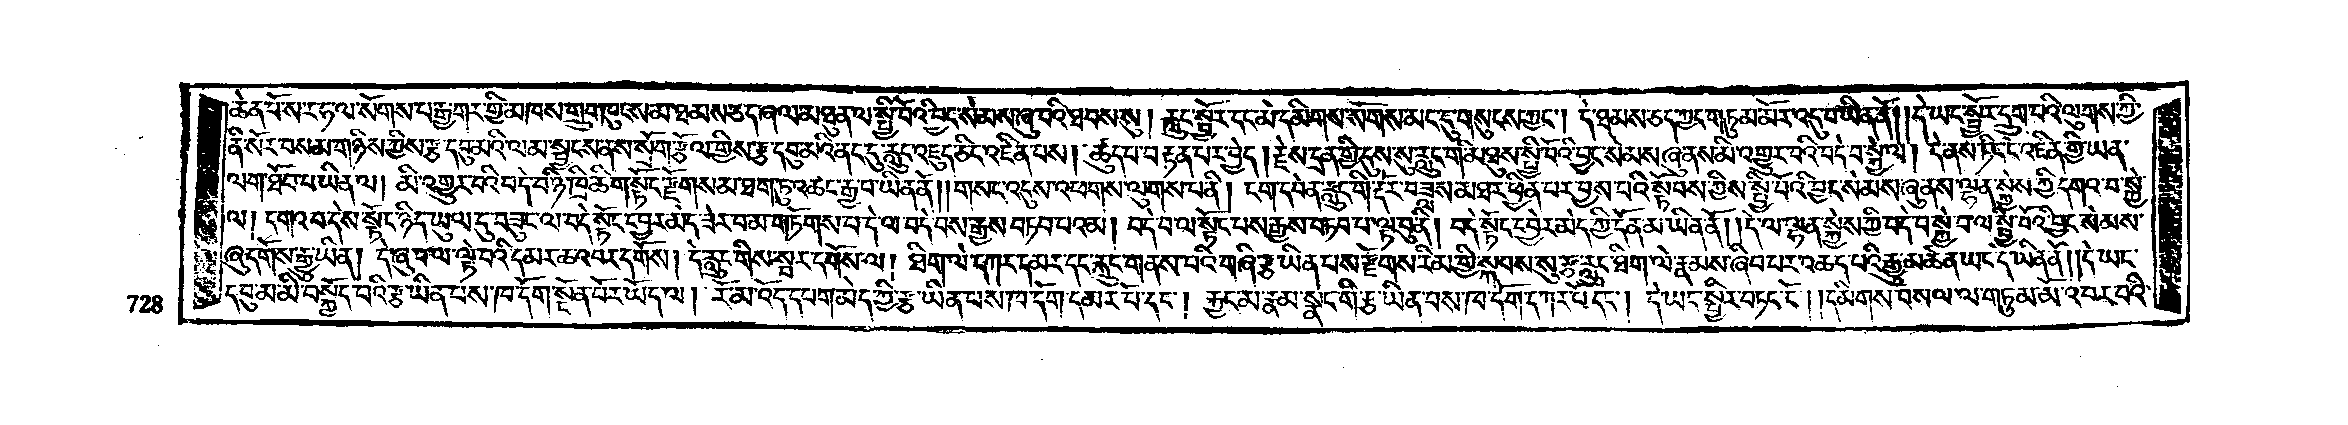ཆེན་པོ་ས་ར་ཧ་ལ་སོགས་པ་རྒྱ་གར་གྱི་མཁས་གྲུབ་ཁུངས་མ་ཐམས་ཅད་ཞལ་མཐུན་ལ་སྤྱི་བོའི་བྱང་སེམས་ཞུ་བའི་ཐབས་སུ། རླུང་སྦྱོར་དང་མེ་དམིགས་སོགས་མང་དུ་གསུངས་ཀྱང་། དེ་ཐམས་ཅད་ཀྱང་གཏུམ་མོར་འདུ་བ་ཡིན་ནོ། །དེ་ཡང་སྦྱོར་དྲུག་པའི་ལུགས་ཀྱི་
ནི་སོར་བསམ་གཉིས་ཀྱིས་རྩ་དབུ་མའི་ལམ་སྦྱངས་ནས་སྲོག་རྩོལ་གྱིས་རྩ་དབུ་མའི་ནང་དུ་རླུང་འཇུད་ཅིང་འཛིན་པས། ཚུད་པ་བརྟན་པར་བྱེད། རྗེས་དྲན་གྱི་དུས་སུ་རླུང་གི་མཐུས་སྤྱི་བོའི་བྱང་སེམས་ཞུ་ནས་མི་འགྱུར་བའི་བདེ་བ་སྐྱེ་ལ། དེ་ནས་ཏིང་ངེ་འཛིན་གྱི་ཡན་
ལག་ཐོབ་པ་ཡིན་ལ། མི་འགྱུར་བའི་བདེ་བ་ཉི་ཁྲི་ཆིག་སྟོང་རྫོགས་མ་ཐག་ཏུ་འཚང་རྒྱ་བ་ཡིན་ནོ། །གསང་འདུས་འཕགས་ལུགས་པ་ནི། ངག་དབེན་རླུང་གི་རྡོར་བཟླས་མཐར་ཕྱིན་པར་བྱས་པའི་སྟོབས་ཀྱིས་སྤྱི་བོའི་བྱང་སེམས་ཞུ་ནས་ལྷན་སྐྱེས་ཀྱི་དགའ་བ་སྐྱེ་
ལ། དགའ་བ་དེས་སྟོང་ཉིད་ཡུལ་དུ་བཟུང་ལ་བདེ་སྟོང་དབྱེར་མེད་ཟེར་བ་མ་གཏོགས་པ་དེ་ལ་བདེ་བས་རྒྱས་བཏབ་པའམ། བདེ་བ་ལ་སྟོང་པས་རྒྱས་བཏབ་པ་ལྟ་བུ་ནི། བདེ་སྟོང་དབྱེར་མེད་ཀྱི་དོན་མ་ཡིན་ནོ། །དེ་ལ་ལྷན་སྐྱེས་ཀྱི་བདེ་བ་སྐྱེ་བ་ལ་སྤྱི་བོའི་བྱང་སེམས་
ཞུ་དགོས་རྒྱུ་ཡིན། དེ་ཞུ་བ་ལ་ལྟེ་བའི་དམར་ཆ་འབར་དགོས། དེ་རླུང་གིས་སྦར་དགོས་ལ། ཐིག་ལེ་དཀར་དམར་དང་རླུང་གནས་པའི་གཞི་རྩ་ཡིན་པས་རྫོགས་རིམ་གྱི་སྐབས་སུ་རྩ་རླུང་ཐིག་ལེ་རྣམས་ཞིབ་པར་འཆད་པའི་རྒྱུ་མཚན་ཡང་དེ་ཡིན་ནོ། །དེ་ཡང་
དབུ་མ་མི་བསྐྱོད་པའི་རྩ་ཡིན་པས་ཁ་དོག་སྔོན་པོར་ཡོད་ལ། རོ་མ་འོད་དཔག་མེད་ཀྱི་རྩ་ཡིན་པས་ཁ་དོག་དམར་པོ་དང་། རྐྱང་མ་རྣམ་སྣང་གི་རྩ་ཡིན་པས་ཁ་དོག་དཀར་པོ་དང་། དེ་ཡང་སྤྱིར་བཏང་ངོ། །དམིགས་བསལ་ལ་གཏུམ་མོ་འབར་བའི་